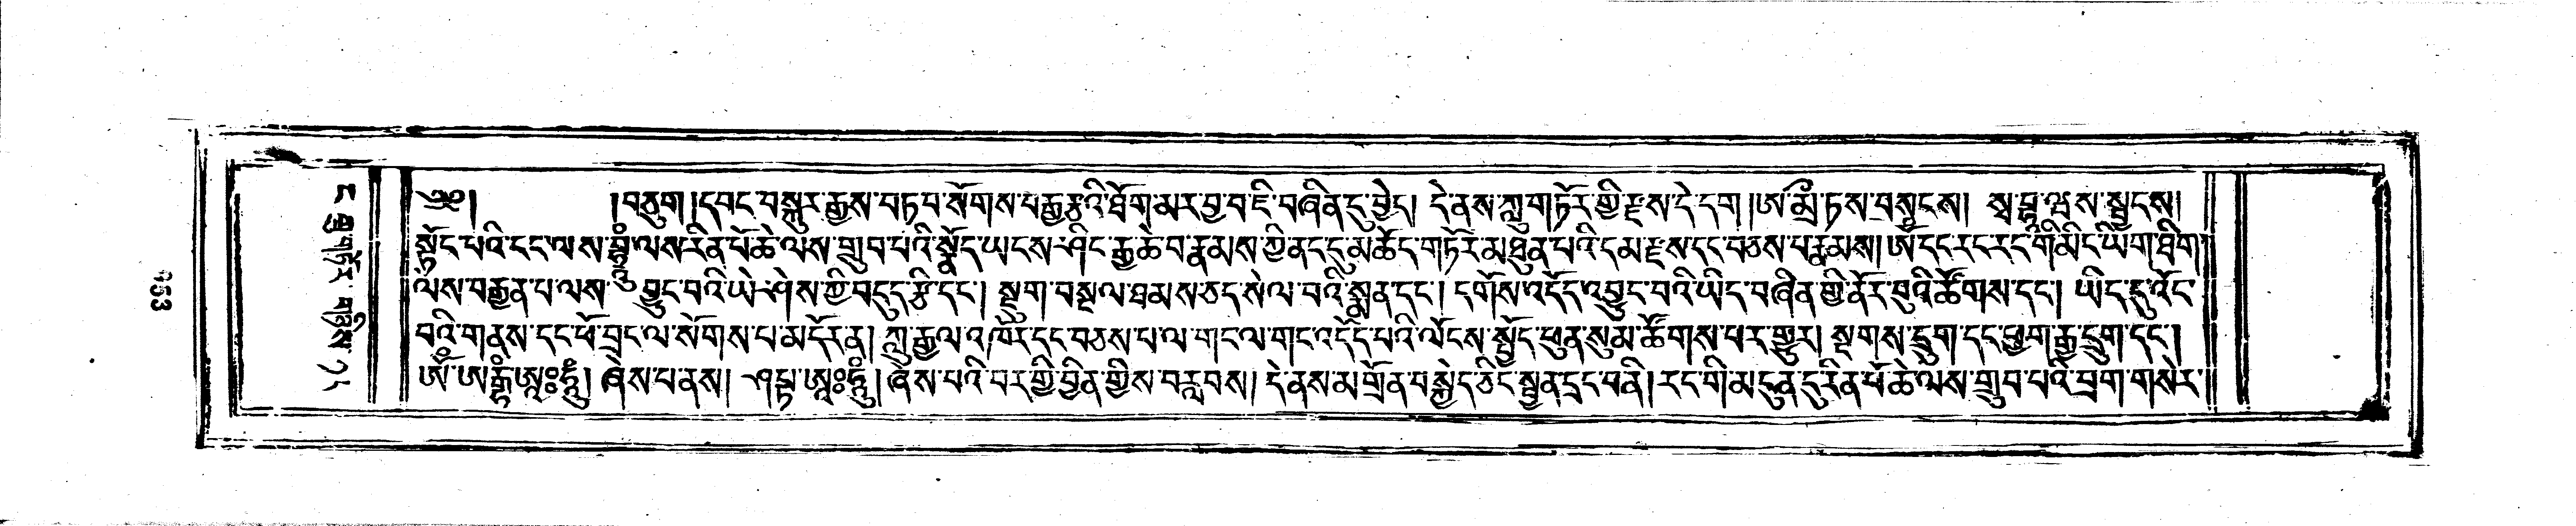༄༅། །བཅུག །དབང་བསྐུར་རྒྱས་བཏབ་སོགས་བརྒྱ་རྩའི་ཐོག་མར་བྱ་བ་ཇི་བཞིན་དུ་བྱེད། དེ་ནས་ཀླུ་གཏོར་གྱི་རྫས་དེ་དག །ཨ་མྲྀ་ཏས་བསངས། སྭ་བྷཱ་ཝས་སྦྱངས།
སྟོང་པའི་ངང་ལས་བྷཱུཾ་ལས་རིན་པོ་ཆེ་ལས་གྲུབ་པའི་སྣོད་ཡངས་ཤིང་རྒྱ་ཆེ་བ་རྣམས་ཀྱི་ནང་དུ་མཆོད་གཏོར་མཐུན་པའི་དམ་རྫས་དང་བཅས་པ་རྣམས། ཨོཾ་དང་རང་རང་གི་མིང་ཡིག་ཐིག་
ལེས་བརྒྱན་པ་ལས་བྱུང་བའི་ཡེ་ཤེས་ཀྱི་བདུད་རྩི་དང་། སྡུག་བསྔལ་ཐམས་ཅད་སེལ་བའི་སྨན་དང་། དགོས་འདོད་འབྱུང་བའི་ཡིད་བཞིན་གྱི་ནོར་བུའི་ཚོགས་དང་། ཡིད་དུ་འོང་
བའི་གནས་དང་ཕོ་བྲང་ལ་སོགས་པ་མདོར་ན། ཀླུ་རྒྱལ་འཁོར་དང་བཅས་པ་ལ་གང་ལ་གང་འདོད་པའི་ལོངས་སྤྱོད་ཕུན་སུམ་ཚོགས་པར་གྱུར། སྔགས་དྲུག་དང་ཕྱག་རྒྱ་དྲུག་དང་།
ཨོཾ་ཨརྒྷཾ་ཨཱཿ ཧཱུཾ། ཞེས་པ་ནས། ཤཔྟ་ཨཱཿ ཧཱུཾ། ཞེས་པའི་བར་གྱི་བྱིན་གྱིས་བརླབས། དེ་ནས་མགྲོན་བསྐྱེད་ཅིང་སྤྱན་དྲང་བ་ནི། རང་གི་མདུན་དུ་རིན་པོ་ཆེ་ལས་གྲུབ་པའི་བྲག་གསེར་